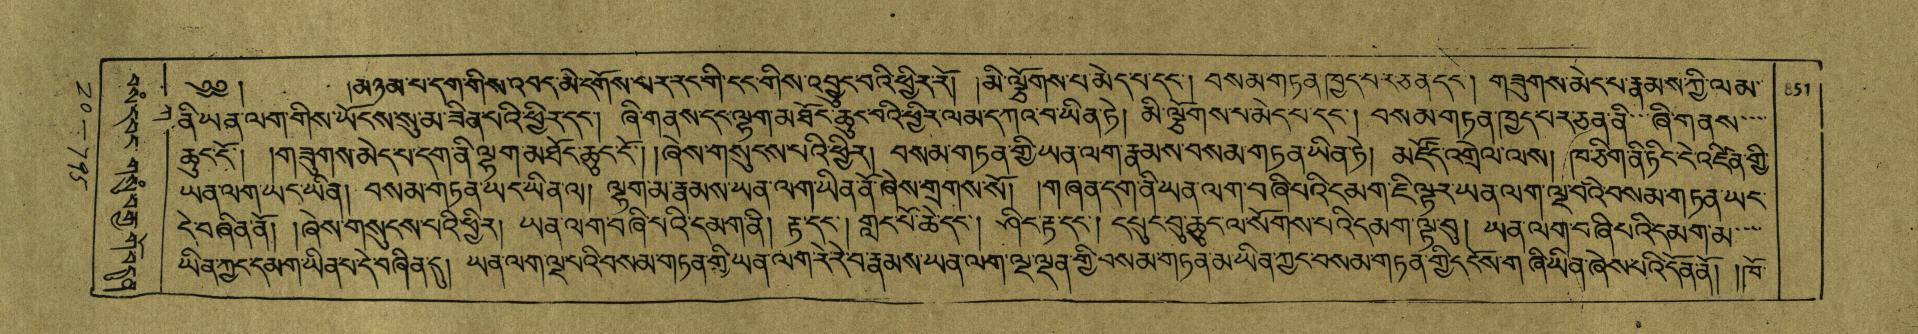༄༅། །མཉམ་པ་དག་གིས་འབད་མི་དགོས་པར་རང་གི་ངང་གིས་འབྱུང་བའི་ཕྱིར་རོ། །མི་ལྕོགས་པ་མེད་པ་དང་། བསམ་གཏན་ཁྱད་པར་ཅན་དང་། གཟུགས་མེད་པ་རྣམས་ཀྱི་ལམ་
ནི་ཡན་ལག་གིས་ཡོངས་སུ་མ་ཟིན་པའི་ཕྱིར་དང་། ཞི་གནས་དང་ལྷག་མཐོང་ཆུང་བའི་ཕྱིར་ལམ་དཀའ་བ་ཡིན་ཏེ། མི་ལྕོགས་པ་མེད་པ་དང་། བསམ་གཏན་ཁྱད་པར་ཅན་ནི་ཞི་གནས་
ཆུང་ངོ། །གཟུགས་མེད་པ་དག་ནི་ལྷག་མཐོང་ཆུང་ངོ། །ཞེས་གསུངས་པའི་ཕྱིར། བསམ་གཏན་གྱི་ཡན་ལག་རྣམས་བསམ་གཏན་ཡིན་ཏེ། མཛོད་འགྲེལ་ལས། ཁ་ཅིག་ནི་ཏིང་ངེ་འཛིན་གྱི་
ཡན་ལག་ཡང་ཡིན། བསམ་གཏན་ཡང་ཡིན་ལ། ལྷག་མ་རྣམས་ཡན་ལག་ཡིན་ནོ་ཞེས་གྲགས་སོ། །གཞན་དག་ནི་ཡན་ལག་བཞི་པའི་དམག་ཇི་ལྟར་ཡན་ལག་ལྔ་བའི་བསམ་གཏན་ཡང་
དེ་བཞིན་ནོ། །ཞེས་གསུངས་པའི་ཕྱིར། ཡན་ལག་བཞི་པའི་དམག་ནི། རྟ་དང་། གླང་པོ་ཆེ་དང་། ཤིང་རྟ་དང་། དཔུང་བུ་ཆུང་ལ་སོགས་པའི་དམག་ལྟ་བུ། ཡན་ལག་བཞི་པའི་དམག་མ་
ཡིན་ཀྱང་དམག་ཡིན་པ་དེ་བཞིན་དུ། ཡན་ལག་ལྔ་པའི་བསམ་གཏན་གྱི་ཡན་ལག་རེ་རེ་བ་རྣམས་ཡན་ལག་ལྔ་ལྡན་གྱི་བསམ་གཏན་མ་ཡིན་ཀྱང་བསམ་གཏན་གྱི་དངོས་གཞི་ཡིན་ཞེས་པའི་དོན་ནོ། །ཁོ་